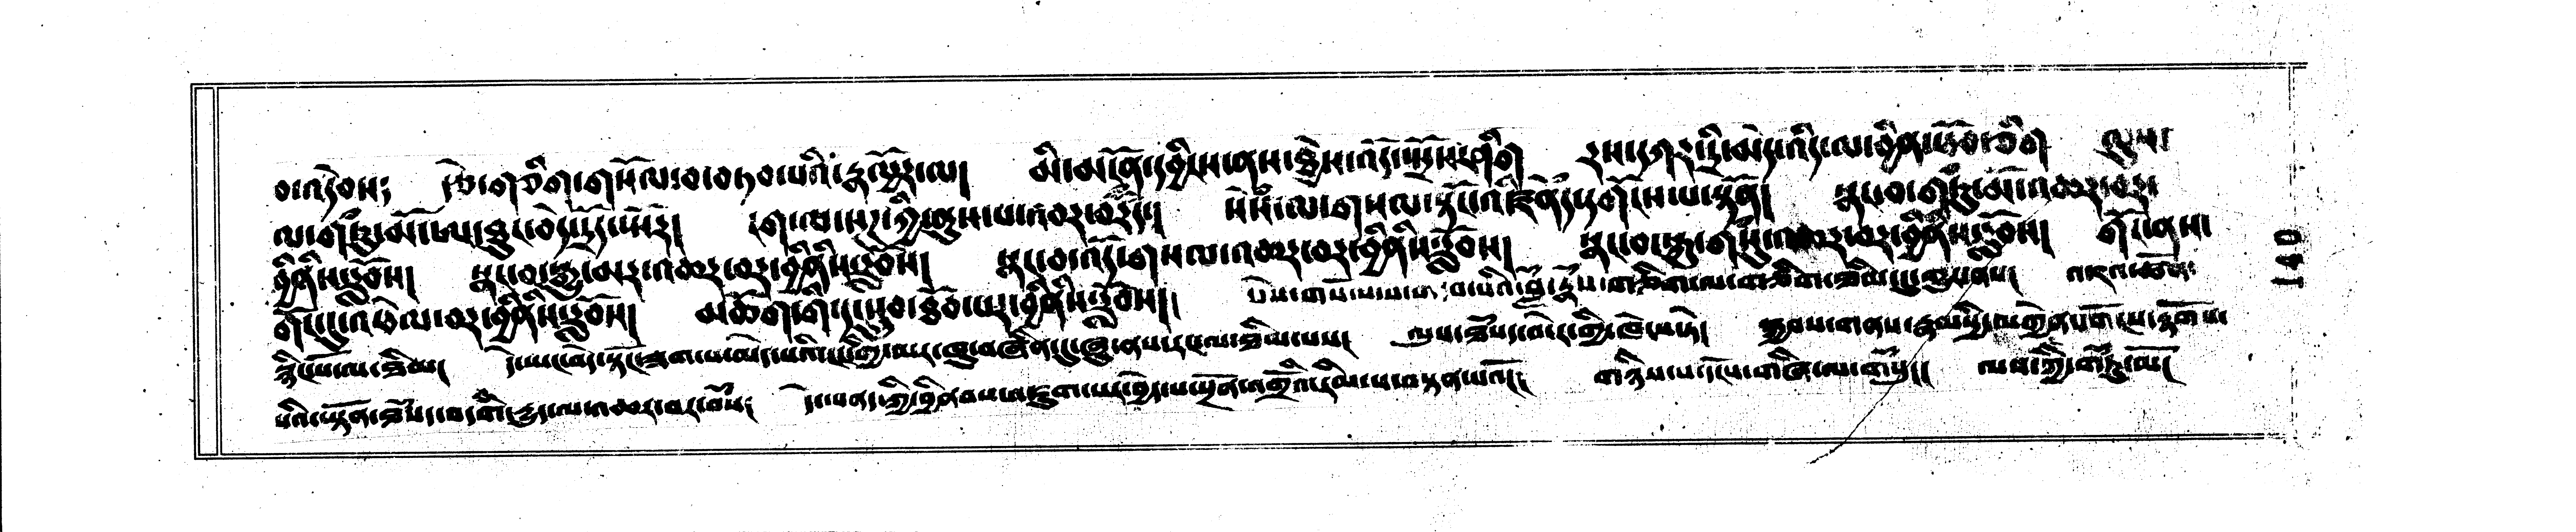བ་འདེབས། །རྩེ་གཅིག་གསོལ་བ་བཏབ་པའི་རྣ་འབྱོར་ལ། །མི་མངོན་དབྱིངས་ནས་ཐུགས་རྗེས་འོད་སྤྲོས་ཤིག །རས་དཀར་དྲི་མེད་འདི་ལ་བྱིན་ཕོབ་ཅིག །ལུས་
ལ་གཏུམ་མོ་ཨ་ཐུང་བདེ་དྲོད་སྤོར། །ངག་ལ་སྔགས་ཀྱི་ནུས་པ་འབར་བར་མཛོད། །སེམས་ལ་གསལ་སྟོང་འཛིན་མེད་དགོངས་པ་སྟོན། །སྣང་བ་གཏུམ་མོ་འཆར་བར་
བྱིན་གྱིས་རློབས། །སྣང་བ་སྒྱུ་མར་འཆར་བར་བྱིན་གྱིས་རློབས། ། སྣང་བ་འོད་གསལ་འཆར་བར་བྱིན་གྱིས་རློབས། །སྣང་བ་སྐུ་གསུམ་འཆར་བར་བྱིན་གྱིས་རློབས། །གོང་ནས་
གོང་དུ་འཕེལ་བར་བྱིན་གྱིས་རློབས། །མཆོག་གི་དངོས་གྲུབ་ཐོབ་པར་བྱིན་གྱིས་རློབས། །ཅེས་གསོལ་བ་བཏབ་པས་བླ་མ་རྣམས་གཅིག་ལ་གཅིག་ཐིམ་ཏུ་གྱུར་ནས་འཇའ་ཚོན་
སྙིང་པོ་ལ་ཐིམ། དེ་ཡང་བདེ་སྟོང་ཟག་པ་མེད་པའི་ངང་གྱིས་མར་ཁུ་བཞིན་དུ་ཞུ་ནས་རང་ལ་ཐིམ་པས། ལུས་ཐམས་ཅད་མེར་གྱིས་ཁེངས་ཏེ། སྐྱབས་གནས་རྣམས་ཀྱི་མཁྱེན་དགོངས་རྟོགས་
པའི་ཡོན་ཏན་ཐམས་ཅད་བདག་གི་རྒྱུད་ལ་འཆར་བར་བསམ། དེ་ཡན་ཆད་ཀྱིས་བྱིན་རླབས་འཇུག་པར་བྱེད་པ་སྔོན་འགྲོའི་རིམ་པ་བསྟན་པའོ།། །།གཉིས་པ་དངོས་གཞི་ལ་གསུམ། ལས་ཀྱི་གཏུམ་མོ།